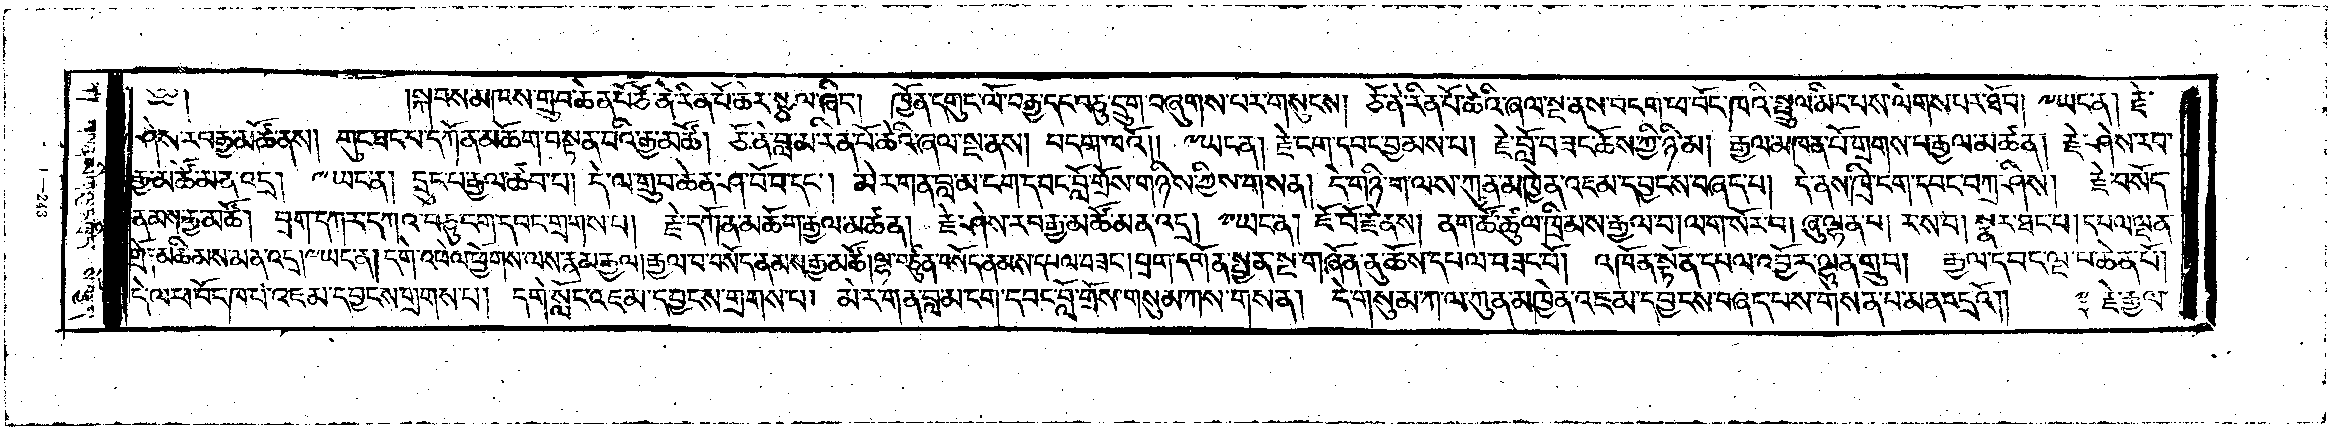༄༅། །སྐབས་མཁས་གྲུབ་ཆེན་པོ་ཙོ་ནེ་རིན་པོ་ཆེར་སྩལ་ཞིང་། ཁྱོན་དགུང་ལོ་བརྒྱ་དང་བཅུ་དྲུག་བཞུགས་པར་གསུངས། ཅོ་ནེ་རིན་པོ་ཆེའི་ཞལ་སྔ་ནས་བདག་ཕ་བོང་ཁའི་སྤྲུལ་མིང་པས་ལེགས་པར་ཐོབ། ༧ཡང་ན། རྗེ་
ཤེས་རབ་རྒྱ་མཚོ་ནས། གུང་ཐང་པ་དཀོན་མཆོག་བསྟན་པའི་རྒྱ་མཚོ། ཅོ་ནེ་བླ་མ་རིན་པོ་ཆེའི་ཞལ་སྔ་ནས། བདག་ལའོ།། ༧ཡང་ན། རྗེ་ངག་དབང་བྱམས་པ། རྗེ་བློ་བཟང་ཆོས་ཀྱི་ཉི་མ། རྒྱལ་མཁན་པོ་གྲགས་པ་རྒྱལ་མཚན། རྗེ་ཤེས་རབ་
རྒྱ་མཚོ་མན་འདྲ། ༧་ཡང་ན། དྲུང་པ་རྒྱལ་ཚབ་པ། དེ་ལ་གྲུབ་ཆེན་ཤ་བོ་བ་དང་། མེ་ར་གན་བླ་མ་ངག་དབང་བློ་གྲོས་གཉིས་ཀྱིས་གསན། དེ་གཉི་ག་ལས་ཀུན་མཁྱེན་འཇམ་དབྱངས་བཞད་པ། དེ་ནས་ཁྲི་ངག་དབང་བཀྲ་ཤིས། རྗེ་བསོད་
ནམས་རྒྱ་མཚོ། བྲག་དཀར་དཀའ་བཅུ་ངག་དབང་གྲགས་པ། རྗེ་དཀོན་མཆོག་རྒྱལ་མཚན། རྗེ་ཤེས་རབ་རྒྱ་མཚོ་མན་འདྲ། ༧ཡང་ན། ཇོ་བོ་རྗེ་ནས། ནག་ཚོ་ཚུལ་ཁྲིམས་རྒྱལ་བ། ལག་སོར་བ། ཞུ་ལྷན་པ། ར་ས་བ། སྣར་ཟང་པ། དཔལ་ལྡན་
གྲོ༑ མཆིམས་མན་འདྲ།  ༧ཡང་ན། དགེ་འཕེལ་ཕྱོགས་ལས་རྣམ་རྒྱལ་།རྒྱལ་བ་བསོད་ནམས་རྒྱ་མཚོ། ལྷ་བཙུན་བསོད་ནམས་དཔལ་བཟང་། བྲག་དགོན་སྤྱན་སྔ་གཞོན་ནུ་ཆོས་དཔལ་བཟང་བོ། འཁོན་སྟོན་དཔལ་འབྱོར་ལྷུན་གྲུབ། རྒྱལ་དབང་ལྔ་པ་ཆེན་པོ།
དེ་ལ་ཕ་བོང་ཁ་པ་འཇམ་དབྱངས་གྲགས་པ། དགེ་སློང་འཇམ་དབྱངས་གྲགས་པ། མེ་ར་གན་བླ་མ་ངག་དབང་བློ་གྲོས་གསུམ་ཀས་གསན། དེ་གསུམ་ཀ་ལ་ཀུན་མཁྱེན་འཇམ་དབྱངས་བཞད་པས་གསན་པ་མན་བདྲའོ།། འ་རྗེ་རྒྱལ་